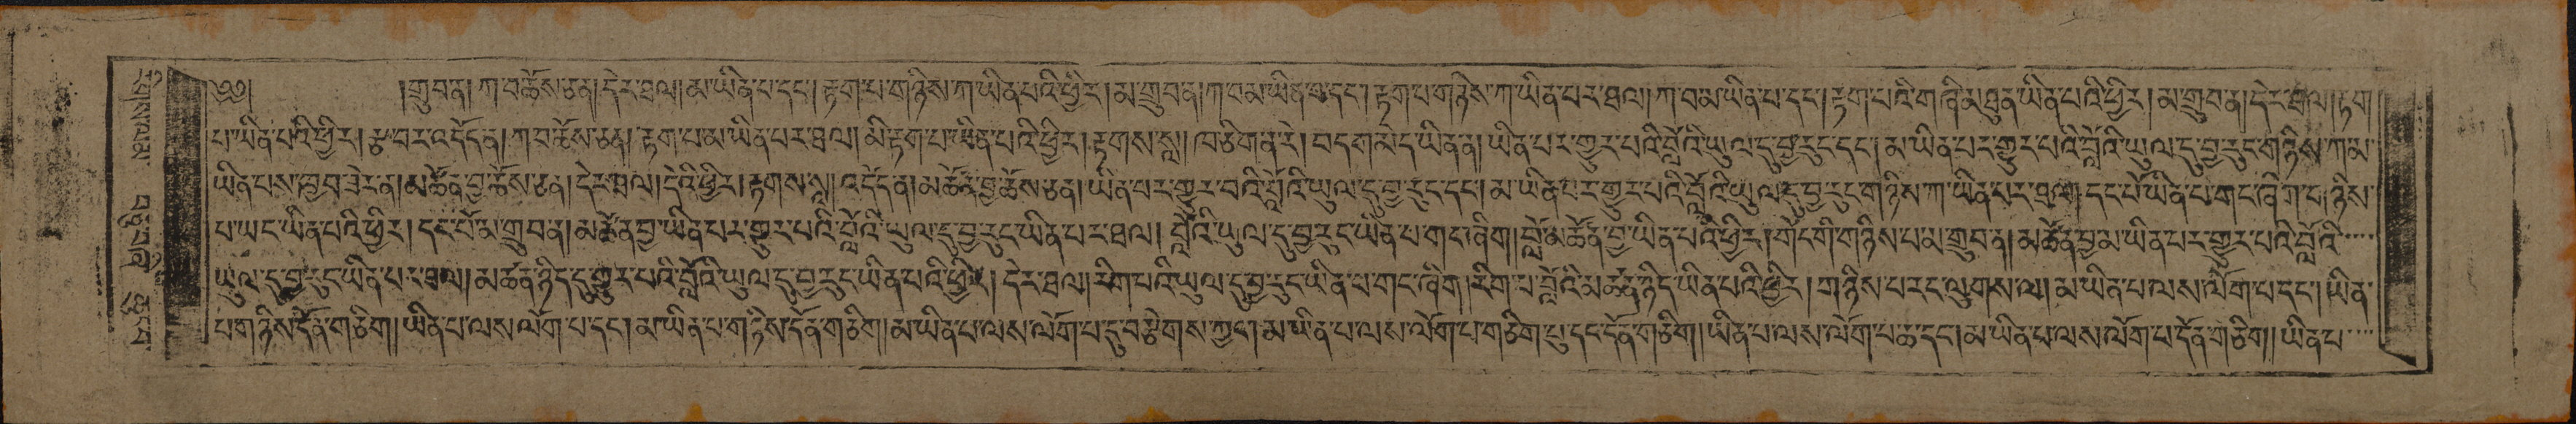༄༅། །གྲུབ་ན། ཀ་བ་ཆོས་ཅན། དེར་ཐལ། མ་ཡིན་པ་དང་། རྟག་པ་གཉིས་ཀ་ཡིན་པའི་ཕྱིར། མ་གྲུབ་ན། ཀ་བ་མ་ཡིན་པ་དང་། རྟག་པ་གཉིས་ཀ་ཡིན་པར་ཐལ། ཀ་བ་མ་ཡིན་པ་དང་། རྟག་པའི་གཞི་མཐུན་ཡིན་པའི་ཕྱིར། མ་གྲུབ་ན། དེར་ཐལ། རྟག་
པ་ཡིན་པའི་ཕྱིར། རྩ་བར་འདོད་ན། ཀ་བ་ཆོས་ཅན། རྟག་པ་མ་ཡིན་པར་ཐལ། མི་རྟག་པ་ཡིན་པའི་ཕྱིར། རྟགས་སླ། ཁ་ཅིག་ན་རེ། བདག་མེད་ཡིན་ན། ཡིན་པར་གྱུར་པའི་བློའི་ཡུལ་དུ་བྱ་རུང་དང་། མ་ཡིན་པར་གྱུར་པའི་བློའི་ཡུལ་དུ་བྱ་རུང་གཉིས་ཀ་མ་
ཡིན་པས་ཁྱབ་ཟེར་ན། མཚོན་བྱ་ཆོས་ཅན། དེར་ཐལ། དེའི་ཕྱིར། རྟགས་སླ། འདོད་ན། མཚོན་བྱ་ཆོས་ཅན། ཡིན་པར་གྱུར་པའི་བློའི་ཡུལ་དུ་བྱ་རུང་དང་། མ་ཡིན་པར་གྱུར་པའི་བློའི་ཡུལ་དུ་བྱ་རུང་གཉིས་ཀ་ཡིན་པར་ཐལ། དང་པོ་ཡིན་པ་གང་ཞིག་གཉིས་
པ་ཡང་ཡིན་པའི་ཕྱིར། དང་པོ་མ་གྲུབ་ན། མཚོན་བྱ་ཡིན་པར་གྱུར་པའི་བློའི་ཡུལ་དུ་བྱ་རུང་ཡིན་པར་ཐལ། བློའི་ཡུལ་དུ་བྱ་རུང་ཡིན་པ་གང་ཞིག །བློ་མཚོན་བྱ་ཡིན་པའི་ཕྱིར། གང་གི་གཉིས་པ་མ་གྲུབ་ན། མཚོན་བྱ་མ་ཡིན་པར་གྱུར་པའི་བློའི་
ཡུལ་དུ་བྱ་རུང་ཡིན་པར་ཐལ། མཚན་ཉིད་དུ་གྱུར་པའི་བློའི་ཡུལ་དུ་བྱ་རུང་ཡིན་པའི་ཕྱིར། དེར་ཐལ། རིག་པའི་ཡུལ་དུ་བྱ་རུང་ཡིན་པ་གང་ཞིག །རིག་པ་བློའི་མཚན་ཉིད་ཡིན་པའི་ཕྱིར། གཉིས་པ་རང་ལུགས་ལ། མ་ཡིན་པ་ལས་ལོག་པ་དང་། ཡིན་
པ་གཉིས་དོན་གཅིག །ཡིན་པ་ལས་ལོག་པ་དང་། མ་ཡིན་པ་གཉིས་དོན་གཅིག །མ་ཡིན་པ་ལས་ལོག་པ་དུ་བརྩེགས་ཀྱང་། མ་ཡིན་པ་ལས་ལོག་པ་གཅིག་པུ་དང་དོན་གཅིག །ཡིན་པ་ལས་ལོག་པ་ཆ་དང་། མ་ཡིན་པ་ལས་ལོག་པ་དོན་གཅིག །ཡིན་པ་